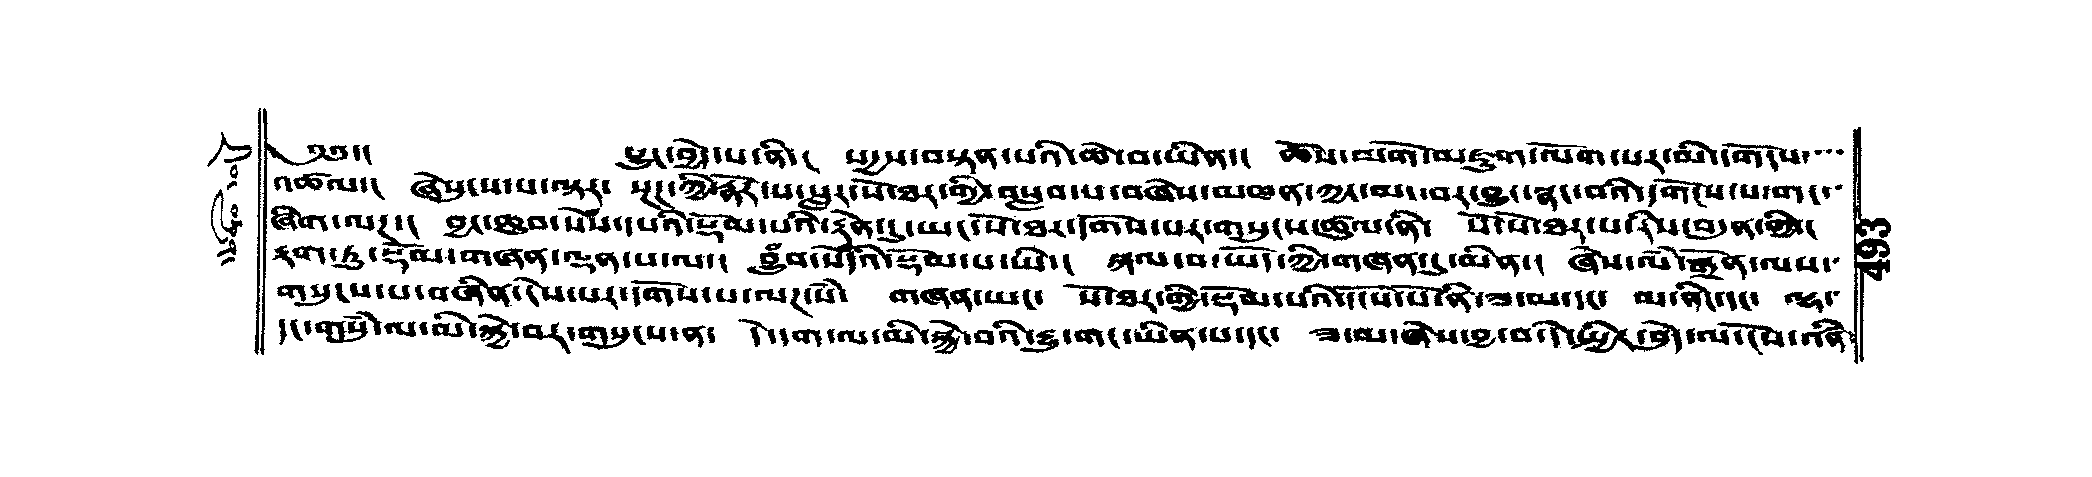བྱུང་བྱེད་པ་ནི། །སངས་རྒྱས་བསྟན་པའི་ཆེ་བ་ཡིན། །ཆོས་མགོ་འཇུག་ལོག་པར་མི་དགོངས་
འཚལ། ཞེས་གསུངས་པ་ལྟར། སྔགས་ཀྱི་རྣལ་འབྱོར་པ་སླར་སོ་ཐར་གྱི་བསླབ་པ་བཞེས་མཁན་ཡང་མང་བར་བྱུང་སྣང་བའི་དགོངས་པ་གང་
ཞིག་ལགས། བྱང་ཆུབ་སེམས་དཔའི་སྡོམ་པའི་རྟེན་དུ་ཡང་སོ་ཐར་དགོས་པར་གསུངས་ཚུལ་ནི། སོ་སོར་ཐར་པ་རིས་བདུན་གྱི། །
རྟག་ཏུ་སྡོམ་གཞན་ལྡན་པ་ལ། །བྱང་ཆུབ་སེམས་དཔའི་སྡོམ་པ་ཡི། །སྐལ་བ་ཡོད་ཀྱི་གཞན་དུ་མིན། ཞེས་ལམ་སྒྲོན་ལས་
གསུངས་པ་བཞིན་ངེས་པར་དགོས་པ་ལགས་སམ། གཞན་ཡང་། སོ་ཐར་གྱི་སྡོམ་པའི་དངོས་པོ་ནི་ཟ་མ་དང་། མ་ནིང་དང་། ལྷ་
དང་གསུམ་ལ་མི་སྐྱེ་བར་གསུངས་ན། དེ་དག་ལ་མི་སྐྱེ་བའི་རྒྱུ་གང་ཡིན་པ་དང་། ཟ་མ་ཞེས་བྱ་བ་དེ་སྤྱིར་བུ་མེད་ལ་ངོས་འཛིན་